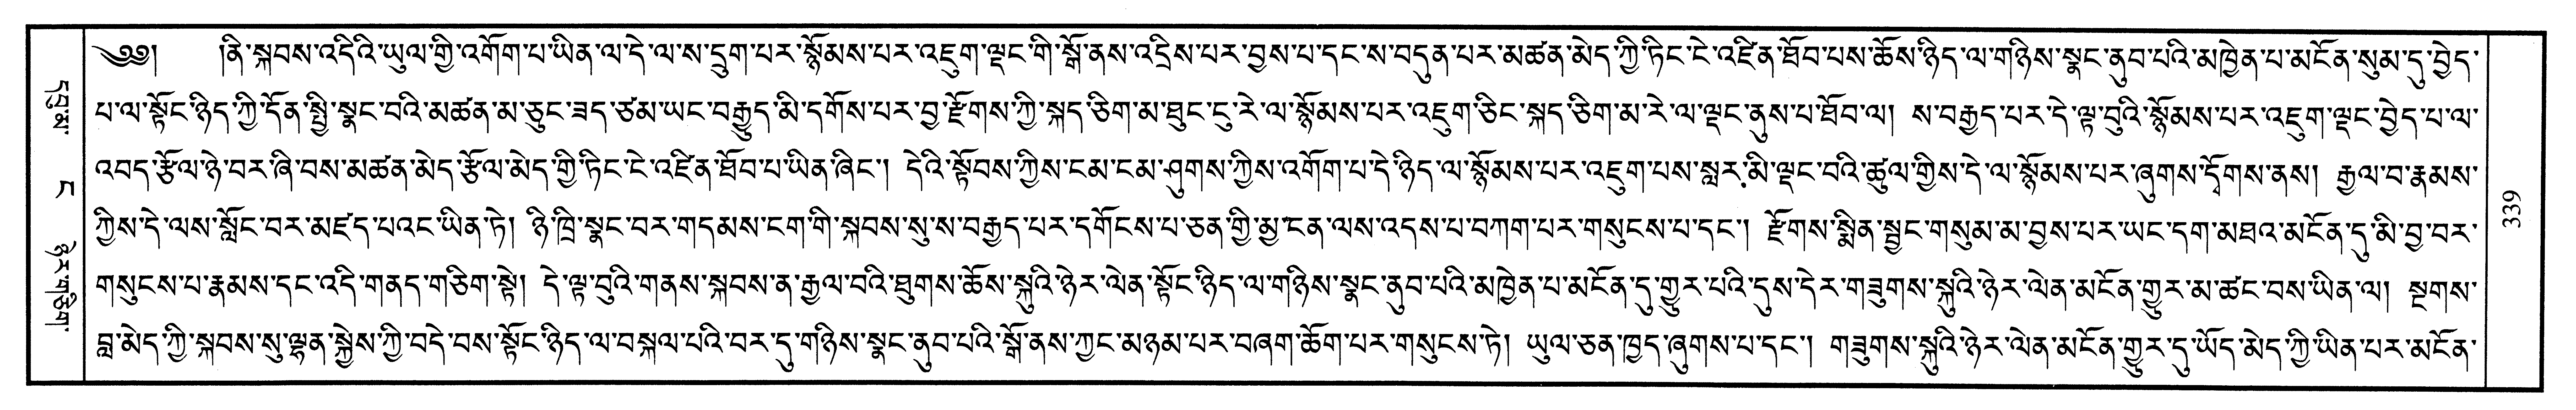༄༅། །ནི་སྐབས་འདིའི་ཡུལ་གྱི་འགོག་པ་ཡིན་ལ་དེ་ལ་ས་དྲུག་པར་སྙོམས་པར་འཇུག་ལྡང་གི་སྒོ་ནས་འདྲིས་པར་བྱས་པ་དང་ས་བདུན་པར་མཚན་མེད་ཀྱི་ཏིང་ངེ་འཛིན་ཐོབ་པས་ཆོས་ཉིད་ལ་གཉིས་སྣང་ནུབ་པའི་མཁྱེན་པ་མངོན་སུམ་དུ་བྱེད་
པ་ལ་སྟོང་ཉིད་ཀྱི་དོན་སྤྱི་སྣང་བའི་མཚན་མ་ཅུང་ཟད་ཙམ་ཡང་བརྒྱུད་མི་དགོས་པར་བྱ་རྫོགས་ཀྱི་སྐད་ཅིག་མ་ཐུང་ངུ་རེ་ལ་སྙོམས་པར་འཇུག་ཅིང་སྐད་ཅིག་མ་རེ་ལ་ལྡང་ནུས་པ་ཐོབ་ལ། ས་བརྒྱད་པར་དེ་ལྟ་བུའི་སྙོམས་པར་འཇུག་ལྡང་བྱེད་པ་ལ་
འབད་རྩོལ་ཉེ་བར་ཞི་བས་མཚན་མེད་རྩོལ་མེད་གྱི་ཏིང་ངེ་འཛིན་ཐོབ་པ་ཡིན་ཞིང་། དེའི་སྟོབས་ཀྱིས་ངམ་ངམ་ཤུགས་ཀྱིས་འགོག་པ་དེ་ཉིད་ལ་སྙོམས་པར་འཇུག་པས་སླར་མི་ལྡང་བའི་ཚུལ་གྱིས་དེ་ལ་སྙོམས་པར་ཞུགས་དྭོགས་ནས། རྒྱལ་བ་རྣམས་
ཀྱིས་དེ་ལས་སློང་བར་མཛད་པའང་ཡིན་ཏེ། ཉི་ཁྲི་སྣང་བར་གདམས་ངག་གི་སྐབས་སུ་ས་བརྒྱད་པར་དགོངས་པ་ཅན་གྱི་མྱ་ངན་ལས་འདས་པ་བཀག་པར་གསུངས་པ་དང་། རྫོགས་སྨིན་སྦྱང་གསུམ་མ་བྱས་པར་ཡང་དག་མཐའ་མངོན་དུ་མི་བྱ་བར་
གསུངས་པ་རྣམས་དང་འདི་གནད་གཅིག་སྟེ། དེ་ལྟ་བུའི་གནས་སྐབས་ན་རྒྱལ་བའི་ཐུགས་ཆོས་སྐུའི་ཉེར་ལེན་སྟོང་ཉིད་ལ་གཉིས་སྣང་ནུབ་པའི་མཁྱེན་པ་མངོན་དུ་གྱུར་པའི་དུས་དེར་གཟུགས་སྐུའི་ཉེར་ལེན་མངོན་གྱུར་མ་ཚང་བས་ཡིན་ལ། སྔགས་
བླ་མེད་ཀྱི་སྐབས་སུ་ལྷན་སྐྱེས་ཀྱི་བདེ་བས་སྟོང་ཉིད་ལ་བསྐལ་པའི་བར་དུ་གཉིས་སྣང་ནུབ་པའི་སྒོ་ནས་ཀྱང་མཉམ་པར་བཞག་ཆོག་པར་གསུངས་ཏེ། ཡུལ་ཅན་ཁྱད་ཞུགས་པ་དང་། གཟུགས་སྐུའི་ཉེར་ལེན་མངོན་གྱུར་དུ་ཡོད་མེད་ཀྱི་ཡིན་པར་མངོན་